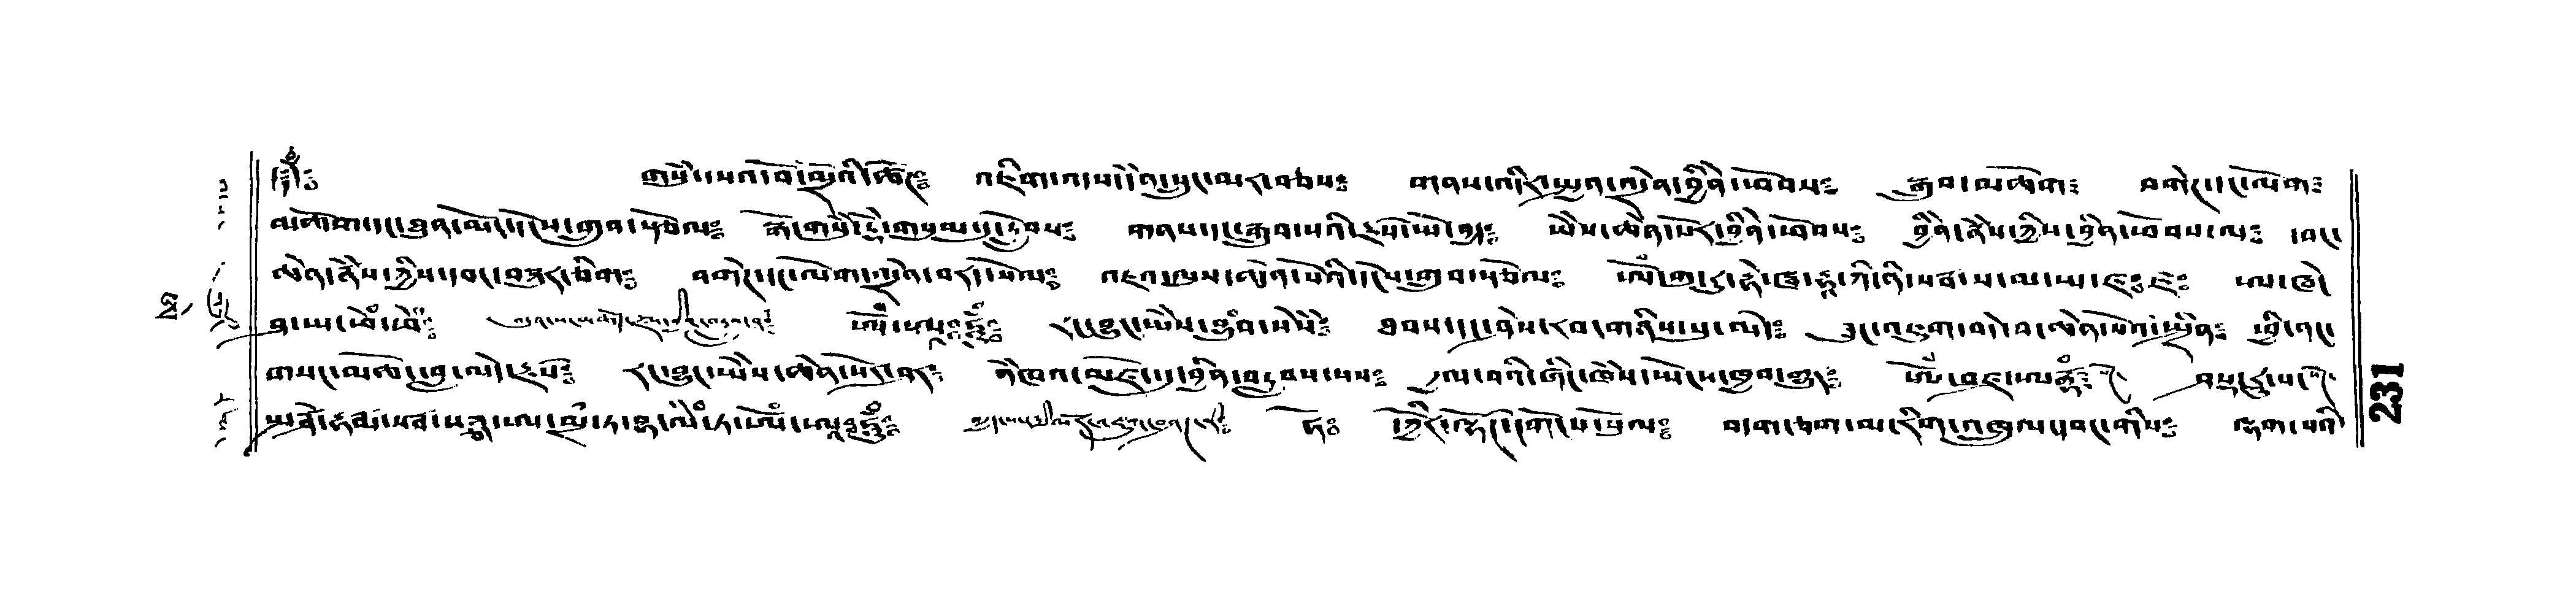གསུམ་དཔའ་བོ་མཁའ་འགྲོའི་ཚོགས༔ འཇིག་འདས་དམ་ཅན་སྲུང་མར་བཅས༔ གནས་འདིར་སྤྱན་འདྲེན་བྱིན་ཆེན་ཕོབས༔ སྒྲུབ་མཆོག༴ བགེགས་དང་ལོག༴ 
མཆོག་དང་ཐུན་མོང་དངོས་གྲུབ་སྩོལ༔ སྒོ་གསུམ་རྡོ་རྗེ་གསུམ་དུ་རློབས༔གནས་དང་སྒྲུབ་པའི་རྫས་ཡོ་བྱད༔ ཡེ་ཤེས་ཆེན་པོར་བྱིན་ཆེན་ཕོབས༔ བྱིན་ཆེན་རྣམས་ཀྱིས་བྱིན་ཕེབས་ལ༔ དབང་
ཆེན་རྣམས་ཀྱིས་དབང་སྐུར་ཅིག༔ བགེགས་དང་ལོག་འདྲེན་བར་ཆད་སོལ༔ འཇའ་ལུས་ཆེན་པོའི་དངོས་གྲུབ་སྩོལ༔ ཨོཾ་གུ་རུ་དྷེ་ཝ་ཌཱ་ཀི་ནི་སརྦ་ས་མ་ཡ་ཛཿཛཿ ཨ་ཝེ་
ཤ་ཡ་ཕེཾ་ཕེཾ༔ བདུན་པ་མཆོད་རྫས་བྱིན་བརླབ་ནི༔ ཨོཾ་ཨཱཿཧཱུྃ༔ རང་བྱུང་ཡེ་ཤེས་བྱང་ཆུབ་སེམས༔ ཐབས་དང་ཤེས་རབ་གཉིས་སུ་མེད༔ ཟུང་འཇུག་བདེ་བ་ཆེན་པོའི་སྤྲིན༔ ཕྱི་ནང་
གསང་མཆོད་བླ་མེད་རྫས༔ རང་བྱུང་ཡེ་ཤེས་ཆེན་པོར་ཤར༔ ནམ་མཁའ་མཛོད་དུ་བྱིན་བརླབས་པས༔ རྒྱལ་བའི་ཞིང་ཁམས་ཡོངས་ཁྱབ་གྱུར༔ ཨོཾ་བཛྲ་ཨརྒྷཾ༴སོགས༔ ཤཔྡ་རུ་པ་སོགས༔ 
སྤརྴེ་དྷརྨ་སརྦ་པཉྩ་ཨ་མྲྀ་ཏ་བྷ་ལིཾ་ཏ་ཨོཾ་ཨཱཿཧཱུྃ༔ བརྒྱད་པ་དཀྱིལ་འཁོར་འཇུག་བཤགས་ནི༔ ཧོཿ དཀྱིལ་འཁོར་ལྷ་ཚོགས་དགོངས་སུ་གསོལ༔ བདག་ཅག་མ་རིག་འཁྲུལ་དབང་གིས༔ ལྷག་པའི་